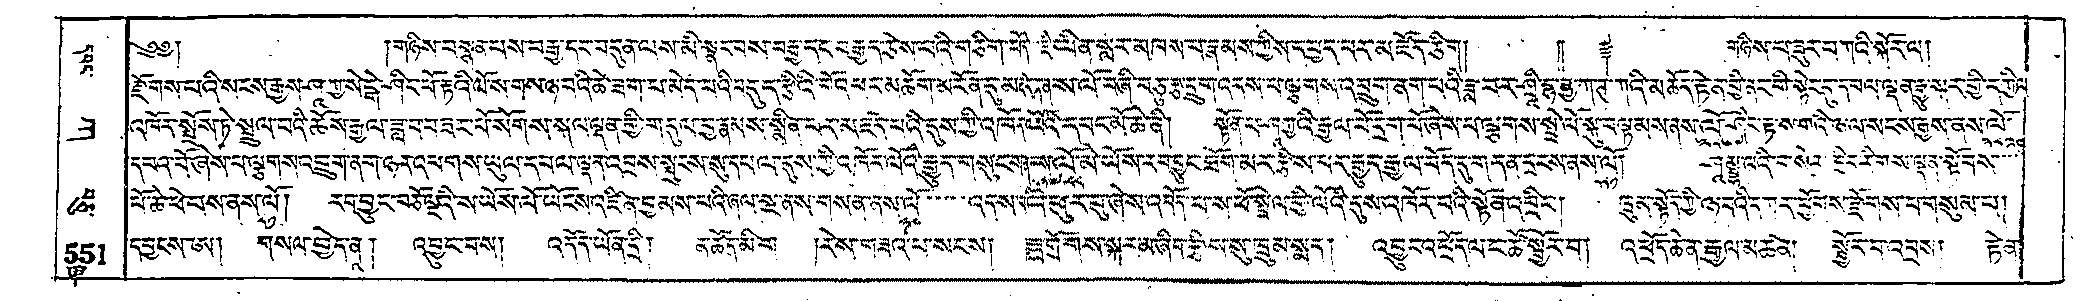༄༅། །གཉིས་བསྣན་པས་བརྒྱ་དང་བདུན་ལས་མི་སྣང་བས་བརྒྱ་དང་བརྒྱད་ཅེས་པའི་གཅིག་པོ་དེ་ཇི་ཡིན་སླར་མཁས་པ་རྣམས་ཀྱིས་དཔྱད་པར་མཛོད་ཅིག། །། འ་གཉིས་པ་ཟུར་བཀའི་སྐོར་ལ།
རྫོགས་པའི་སངས་རྒྱས་ཤཱཀྱ་སེངྒེ་ཤིང་ཕོ་རྟའི་ལོ་ས་གས་ཉ་བའི་ཚེ་ཟག་པ་མེད་པའི་བདུད་རྩིའི་གོ་འཕང་མཆོག་མངོན་དུ་མཛད་ནས་ལོ་བཞི་བཅུ་རྩ་དྲུག་འདས་པ་ལྕགས་འབྲུག་ནག་པའི་ཟླ་བར་ཤྲཱི་དྷ་ནྱ་ཀ་ཊ་ཀའི་མཆོད་རྟེན་གྱི་ནང་གི་སྟེང་དུ་དཔལ་ལྡན་རྒྱུ་སྐར་གྱི་དཀྱིལ་
འཁོར་སྤྲོས་ཏེ་སྤྲུལ་བའི་ཆོས་རྒྱལ་ཟླ་བ་བཟང་པོ་སོགས་སྐལ་ལྡན་གྱི་གདུལ་བྱ་རྣམས་སྨིན་པར་མཛད་པའི་དུས་ཀྱི་འཁོར་ལོའི་དབང་མོ་ཆེ་ནི། སྟོན་པ་ཤཱཀྱའི་རྒྱལ་པོ་དྲག་པོ་ཞེས་པ་ལྕགས་སྤྲེ་ལོ་སྐུ་བལྟམས་ནས་ལོ ༢༨༦༧་ཤིང་རྟ་ས་གའི་ཉ་ལ་སངས་རྒྱས་ནས་ལོ ༢༨༣༤
དཔའ་བོ་ཞེས་པ་ལྕགས་འབྲུག་ནག་ཉར་འཕགས་ཡུལ་དཔལ་ལྡན་འབྲས་སྤུངས་སུ་དཔལ་དུས་ཀྱི་འཁོར་ལོའི་རྒྱུད་གསུངས་ནས་ལོ ༢༧༨༨་མེ་ཡོས་རབ་བྱུང་ཐོག་མར་རྩིས་པར་རྒྱུད་རྒྱལ་བོད་དུ་གདན་དྲངས་ནས་ལོ ༨༨༡། ཤཱམྦྷ་ལའི་གསེར་དྲིར་རིགས་ལྡན་སྟོབས་
པོ་ཆེ་ཕེབས་ནས་ལོ ༨༡། རབ་བྱུང་བཅོ་ལྔའི་ས་ཡོས་ལོ་ཡོངས་འཛིན་བྱམས་པའི་ཞལ་སྔ་ནས་གསན་ནས་ལོ ༢༩འདས་པའི་ཕུར་བུ་ཞེས་འབོད་པས་ཕོ་སྤྲེལ་གྱི་ལོའི་དུས་འཁོར་བའི་སྟོན་འབྲིང་། ཁྲུམ་སྟོད་ཀྱི་ཉ་བའི་དཀར་ཕྱོགས་རྫོགས་པ་གསུམ་པ།
དབྱངས་ཨ། གསལ་བྱེད་ནཱ། འབྱུང་བ་ས། འདོད་ཡོན་དྲི། ན་ཚོད་མིག །རེས་གཟའ་པ་སངས། ཟླ་གྲོགས་སྐར་མ་ཞིབ་རྩིས་སུ་ཁྲུ་མ་སྨད། འབྱུང་འཕྲོད་ལང་ཚོ་སྦྱོར་བ། འཕྲོད་ཆེན་རྒྱལ་མཚན། སྦྱོར་བ་འབྲས། རྟེན་